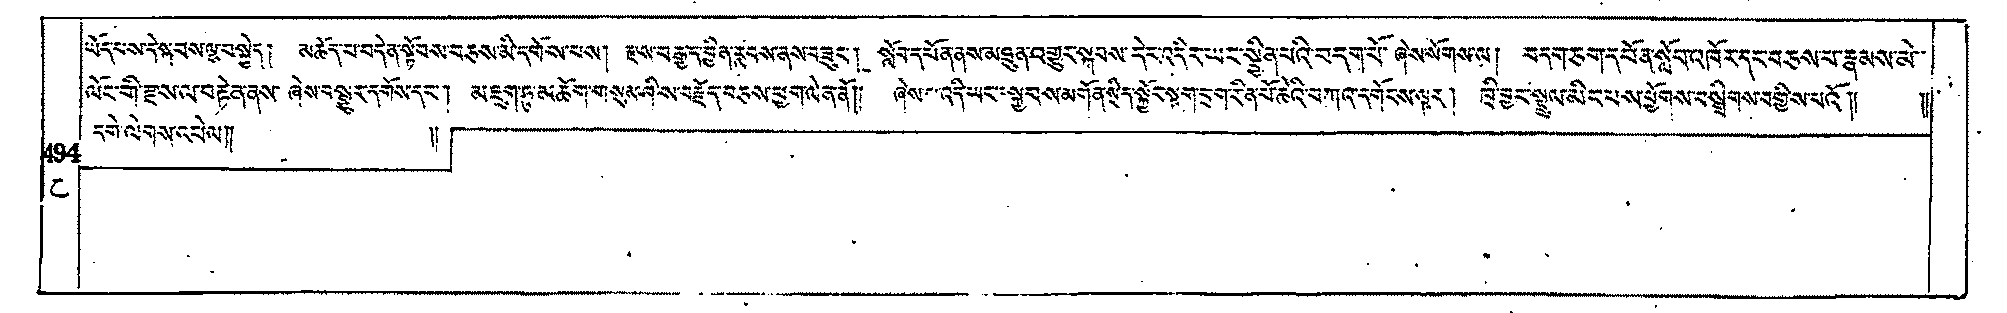ཡོད་པས་དེ་སྐབས་ལྷ་བསྐྱེད། མཆོད་པ་བདེན་སྟོབས་བཅས་མི་དགོས་པས། རྫས་བརྒྱད་བྱིན་རླབས་ནས་བཟུང་། སློབ་དཔོན་ནས་མཐུན་འགྱུར་སྐབས་དེང་འདིར་ཡང་སྦྱིན་པའི་བདག་པོ་ཞེས་སོགས་ལ། བདག་ཅག་དཔོན་སློབ་འཁོར་དང་བཅས་པ་རྣམས་མེ་
ལོང་གི་རྫས་ལ་བརྟེན་ནས་ཞེས་བསྒྱུར་དགོས་དང་། མཇུག་ཏུ་མཆོག་གསུམ་ཤིས་བརྗོད་བཅས་ཕྱག་ལེན་ནོ།། ཞེས་པ་འདི་ཡང ༧སྐྱབས་མགོན་སྲིད་སྐྱོང་སྟག་བྲག་རིན་པོ་ཆེའི་བཀའ་དགོངས་ལྟར། ཁྲི་བྱང་སྤྲུལ་མིང་པས་ཕྱོགས་བསྒྲིགས་བགྱིས་པའོ།། །།
དགེ་ལེགས་འཕེལ།། །།